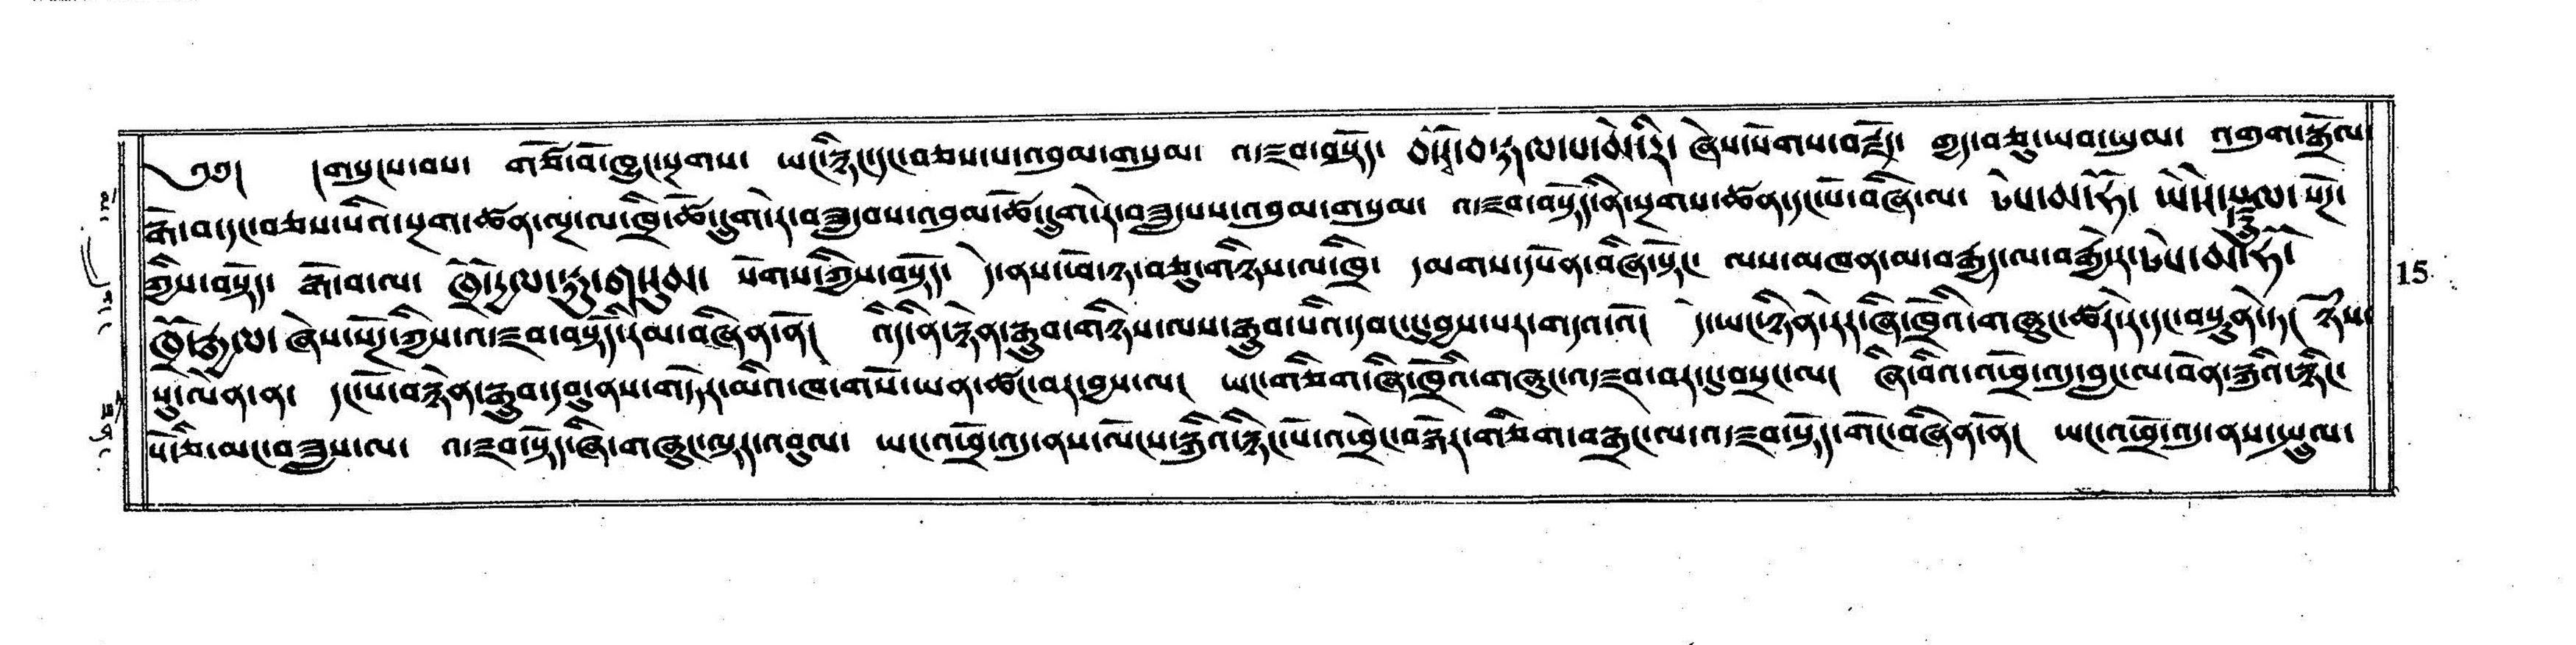གསུངས་བས། གཙོ་བོ་ཁྱུང་སྔགས། ཡང་སྙིང་དང་བཅས་པ་འབུམ་གསུམ། འཛབ་བསྟོད། བསྭོ་བསྐལ་པ་མེ་རི་ཞེས་སོགས་བརྗོད། གྱད་བཅུ་ཡབ་ཡུམ། འགུག་སྒྲོལ་
སྒོ་བ་དང་བཅས་པའི་སྔགས་ཚན་ལྔ་ལ་ཁྲི་ཚོ་དྲུག་རེ་བཟླ་བས་འབུམ་ཚོ་དྲུག་རེ་བཟླ་པས་འབུམ་གསུམ། འཛབ་བསྟོད་ནི་སྔགས་ཚན་དང་པོ་བཞི་ལ། ཨེ་མ་ཧོ། ཡེ་ཤེས་རྫུ་འཕྲུལ། སོགས་
ཀྱིས་བསྟོད། སྒོ་བ་ལ། ཁྲོ་རྒྱལ་སྐུ་གསུམ། སོགས་ཀྱིས་བསྟོད། དེ་ནས་ཕོ་ཉ་བཅུ་གཉིས་ལ་ཁྲི། དམག་དཔོན་བཞི་སྟོང་། ལས་མཁན་མ་བརྒྱད་ལ་བརྒྱ་རེ་ཨེ་མ་ཧོ་
ཁྲོ་རྒྱལ་ཞེས་སོགས་ཀྱིས་འཛབ་བསྟོད་རིམ་བཞིན་ནོ། འདི་ནི་བསྙེན་སྒྲུབ་གཉིས་ལས་སྒྲུབ་པའི་དབང་དུ་བྱས་པར་གདའ་འོ། དེ་ཡང་ཉིན་རེར་ཞི་ཁྲོའི་གཞུང་ཚར་རེ་དང་བསྟུན་ཏེ། ཉམས་
སུ་ལེན་ན། དང་པོ་བསྙེན་སྒྲུབ་དབུ་ནས་གཏོར་མའི་ཁ་གསོ་ཡན་ཚང་བར་བྱས་ལ། ཡང་གཅིག་ཞི་ཁྲོའི་གཞུང་འཛབ་བར་དུ་བསྲང་ལ། ཞི་བའི་འཕྲོ་འདུ་བླང་ལ་བོན་སྐུའི་སྙིང་
པོ་ཅི་མང་བཟླས་ལ་འཛབ་བསྟོད་ཞི་གཞུང་ལྟར་འབུལ་ཡང་འཕྲོ་འདུ་ནས་ལོངས་སྐུའི་སྙིང་པོ་འཕྲེང་བསྐོར་གཅིག་བསྒྲང་ལ་འཛབ་སྟོད་གོང་བཞིན་ནོ། ཡང་འཕྲོ་འདུ་ནས་སྤྲུལ་